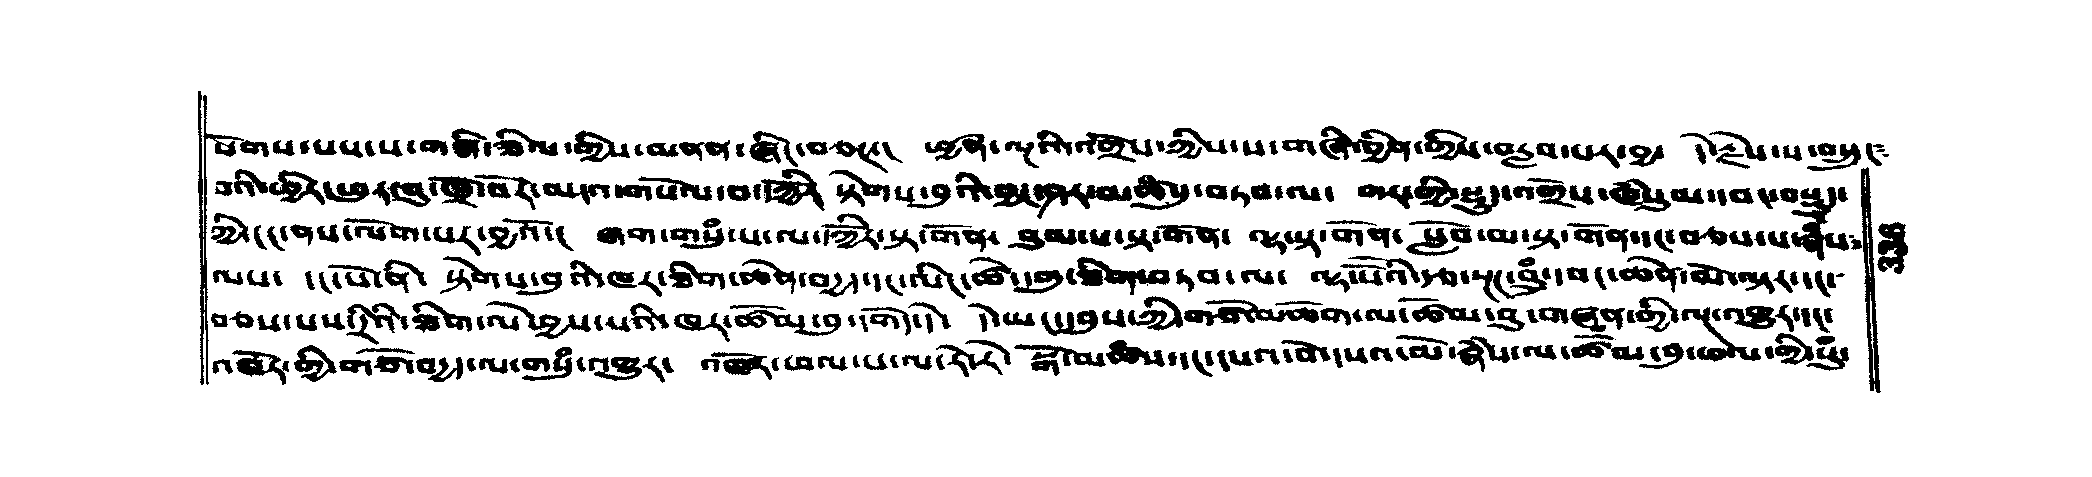སོགས་པས་ས་གཞི་ཟིལ་གྱིས་མནན་ཞིང་བཅགས། ཕར་ཕྱིན་ལྔའི་བགྲོས་ཀྱིས་ས་གཞི་བྱིན་གྱིས་བརླབ་པར་བྱ། དེ་རྗེས་ས་བསྲུང་ཀྱི་ངང་ནས་ལོག་པར་བྱ། དེ་རྗེས་ས་བསྲུང་
བའི་ཕྱིར་བུ་ཁྲོ་བོར་མངའ་གསོལ་བ་དཀྱིལ་འཁོར་གྱི་སྟེགས་བུའི་བྱང་ཤར་མཚམས་སུ་བཏབ་ལ། གར་གྱི་སྡུད་འགྲོས་ཁམས་གསུམ་དབང་བསྡུད་
ཀྱི་ངང་ནས་ལོག་པར་བྱའོ། ཞག་གསུམ་པ་ལ་དཀྱིལ་འཁོར་སྟ་གོན། བུམ་པ་སྟ་གོན། ལྷ་ལྟ་གོན། སློབ་མ་སྟ་གོན་དང་བཅས་པ་རྣམས་
ལས། དང་པོ་ནི། སྟེགས་བུའི་ཁར་ཐིག་ཆེན་བརྒྱད་དང་ལིང་ཚེ་དགུ་ཐིག་བཏབ་ལ། ལྷ་སོ་སོའི་རྩ་སྔགས་བུམ་སྒྲུབ་དབང་ཆེན་མོ་ལྟར་དང་
བཅས་པས་དྲིའི་ཐིག་ལེ་བྱས་པའི་ཁར་ཚོམ་བུ་དགོད་དེ། དེ་ཡང་དབུས་ཀྱི་གཙོ་མཆོག་ལ་ཚོམ་བུ་གཞན་གྱི་ལྔ་འགྱུར་དང་། 
འཁོར་གྱི་གཙོ་བརྒྱད་ལ་གསུམ་འགྱུར། འཁོར་ཕལ་བ་ལ་རེ་རཻ། སྒོ་མཚམས་དང་དཔའ་བོ་དཔའ་མོ་རྣམས་ལཚོམ་བུ་ཕལ་གྱི་སུམ་